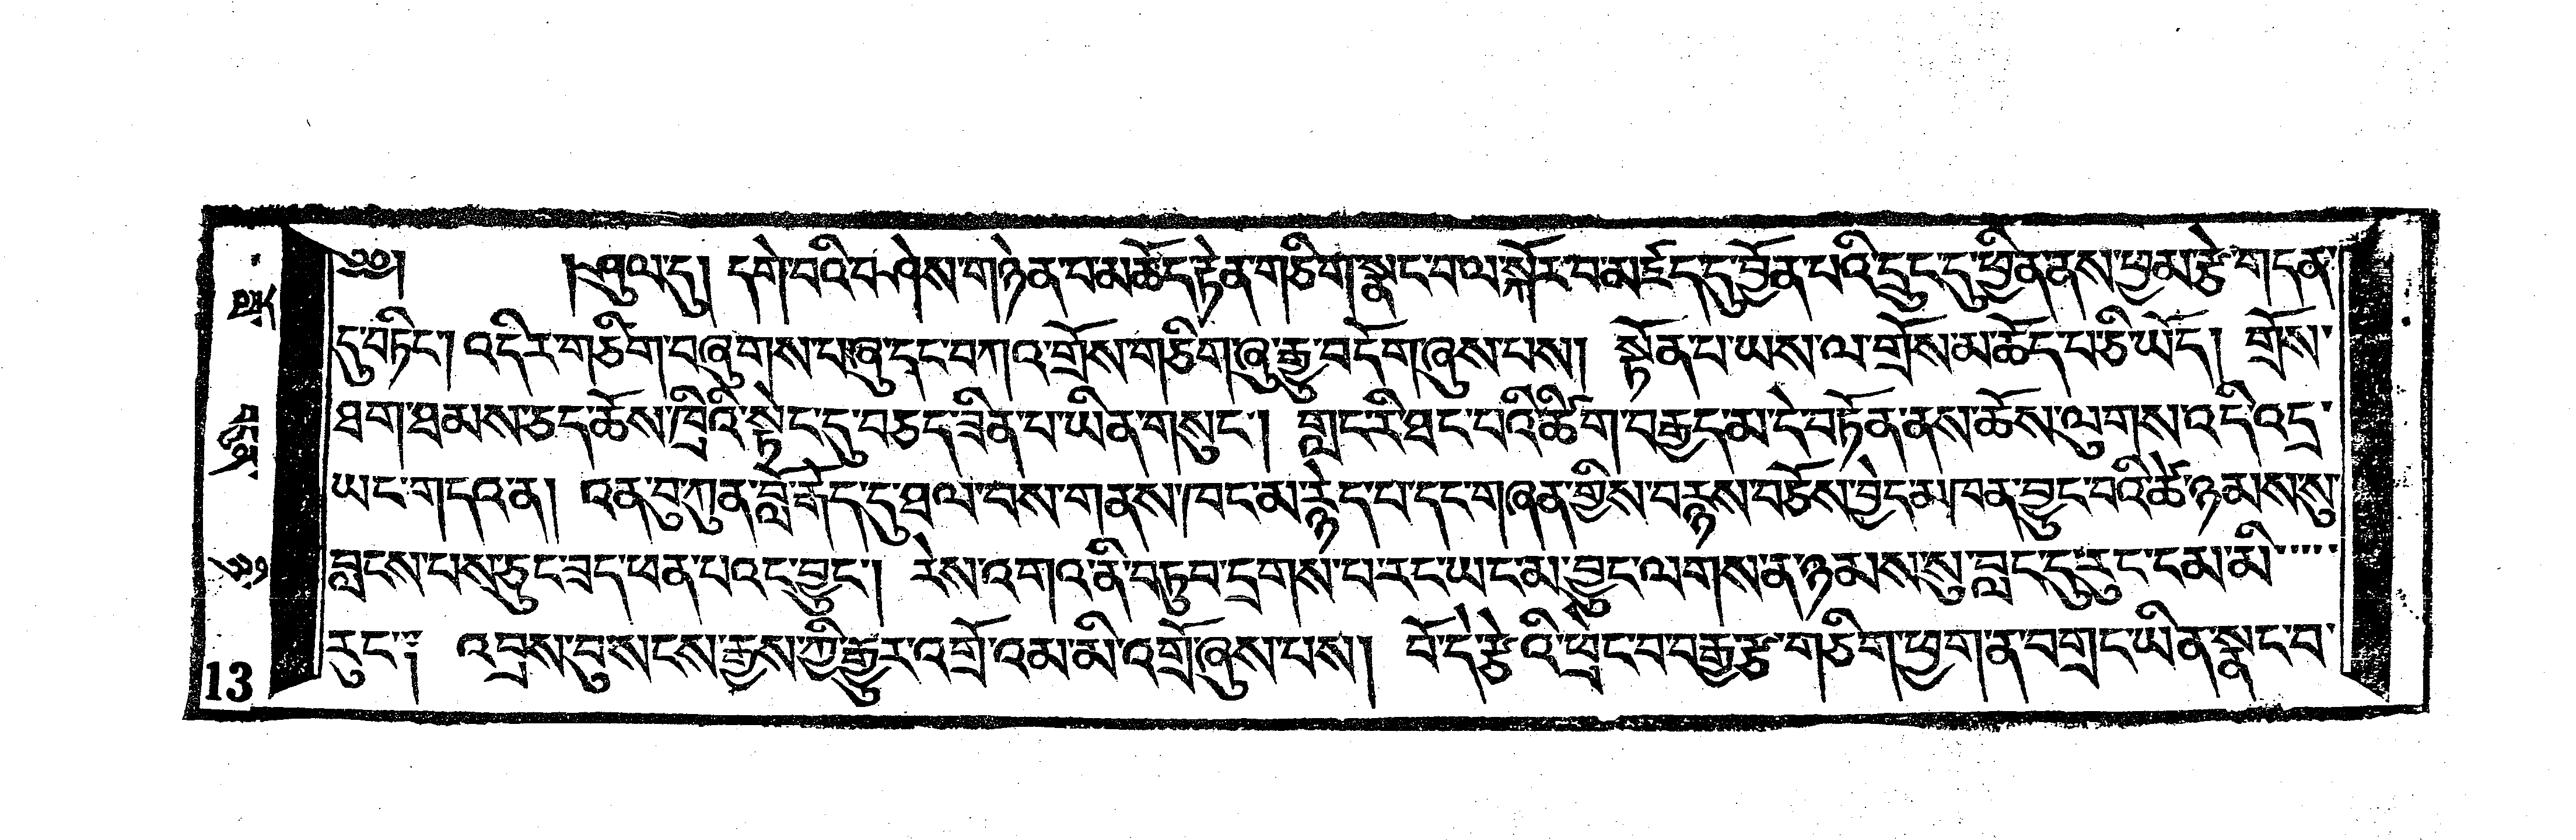༄༅། །ཤུལ་དུ། དགེ་བའི་བཤེས་གཉེན་པ་མཆོད་རྟེན་གཅིག་སྣང་བ་ལ་སྐོར་བ་མཛད་དུ་བྱོན་པའི་དྲུང་དུ་ཕྱིན་ནས་ཕྱམ་རྩེ་གདན་
དུ་བཏིང་། འདིར་གཅིག་བཞུགས་པ་ཞུ་དང་བཀའ་གྲོས་གཅིག་ཞུ་རྒྱུ་བདོག་ཞུས་པས། སྟོན་པ་ཡས་ལ་གྲོས་མཆོད་པ་ཅི་ཡོད། གྲོས་
ཐག་ཐམས་ཅད་ཆོས་ཁྲིའི་སྟེང་དུ་བཅད་ཟིན་པ་ཡིན་གསུང་། གླང་རི་ཐང་པའི་ཚིག་བརྒྱད་མ་དེ་བཏོན་ནས་ཆོས་ལུགས་འདི་འདྲ་
ཡང་གདའ་ན། འན་བུ་ཀུན་བློ་རྒོད་དུ་ཐལ་བས་གནས་ཁང་མ་རྙེད་པ་དང་གཞན་གྱིས་བརྙས་བཅོས་བྱེད་མཁན་བྱུང་བའི་ཚེ་ཉམས་སུ་
བླངས་པས་ཅུང་ཟད་ཕན་པའང་བྱུང་། རེས་འགའ་ནི་བཏུབ་དྲགས་པ་རང་ཡང་མ་བྱུང་ལགས་ན་ཉམས་སུ་བླང་དུ་རུང་ངམ་མི་
རུང༑ འབྲས་བུ་སངས་རྒྱས་ཀྱི་རྒྱུར་འགྲོ་འམ་མི་འགྲོ་ཞུས་པས། བོ་དེ་རྩེའི་ཕྲེང་བ་བརྒྱ་རྩ་གཅིག་ཕྱག་ན་བགྲང་ཡིན་སྣང་བ་